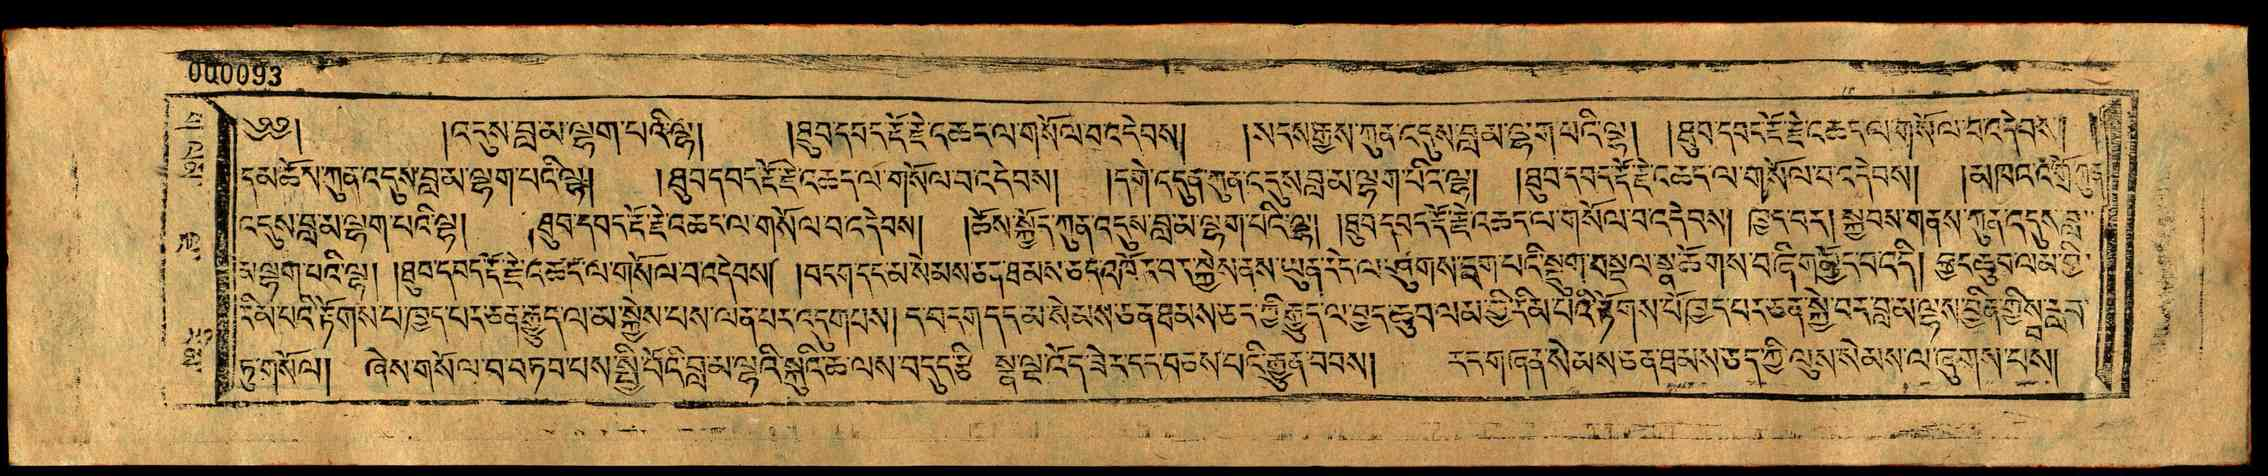ཕི༹རསཏ་༄༅། །འདུས་བླ་མ་ལྷག་པའི་ལྷ། །ཐུབ་དབང་རྡོ་རྗེ་འཆང་ལ་གསོལ་བ་འདེབས། །སངས་རྒྱས་ཀུན་འདུས་བླ་མ་ལྷག་པའི་ལྷ། །ཐུབ་དབང་རྡོ་རྗེ་འཆང་ལ་གསོལ་བ་འདེབས། །
དམ་ཆོས་ཀུན་འདུས་བླ་མ་ལྷག་པའི་ལྷ། །ཐུབ་དབང་རྡོ་རྗེ་འཆང་ལ་གསོལ་བ་འདེབས། །དགེ་འདུན་ཀུན་འདུས་བླ་མ་ལྷག་པའི་ལྷ། །ཐུབ་དབང་རྡོ་རྗེ་འཆང་ལ་གསོལ་བ་འདེབས། །མཁའ་འགྲོ་ཀུན་
འདུས་བླ་མ་ལྷག་པའི་ལྷ། །ཐུབ་དབང་རྡོ་རྗེ་འཆང་ལ་གསོལ་བ་འདེབས། །ཆོས་སྐྱོང་ཀུན་འདུས་བླ་མ་ལྷག་པའི་ལྷ། །ཐུབ་དབང་རྡོ་རྗེ་འཆད་ལ་གསོལ་བ་འདེབས། ཁྱད་པར། སྐྱབས་གནས་ཀུན་འདུས་བླ་
མ་ལྷག་པའི་ལྷ། །ཐུབ་དབང་རྡོ་རྗེ་འཆང་ལ་གསོལ་བ་འདེབས། །བདག་དང་མ་སེམས་ཅན་ཐམས་ཅད་འཁོར་བར་སྐྱེས་ནས་ཡུན་རིང་ལ་ཤུགས་དྲག་པའི་སྡུག་བསྔལ་སྣ་ཚོགས་པ་ཞིག་མྱོང་བ་འདི། བྱང་ཆུབ་ལམ་གྱི་
རིམ་པའི་རྟོགས་པ་ཁྱད་པར་ཅན་རྒྱུད་ལ་མ་སྐྱེས་པས་ལན་པར་འདུག་པས། ད་བདག་དང་མ་སེམས་ཅན་ཐམས་ཅད་ཀྱི་རྒྱུད་ལ་བྱང་ཆུབ་ལམ་གྱི་རིམ་པའི་རྟོགས་པ་ཁྱད་པར་ཅན་སྐྱེ་བར་བླ་མ་ལྷས་བྱིན་གྱིས་རླབ་
ཏུ་གསོལ། ཞེས་གསོལ་བ་བཏབ་པས་སྤྱི་བོའི་བླ་མ་ལྷའི་སྐུའི་ཆ་ལས་བདུད་རྩི་སྣ་ལྔ་འོད་ཟེར་དང་བཅས་པའི་རྒྱུན་བབས། རང་བཞན་སེམས་ཅན་ཐམས་ཅད་ཀྱི་ལུས་སེམས་ལ་ཞུགས་པས།